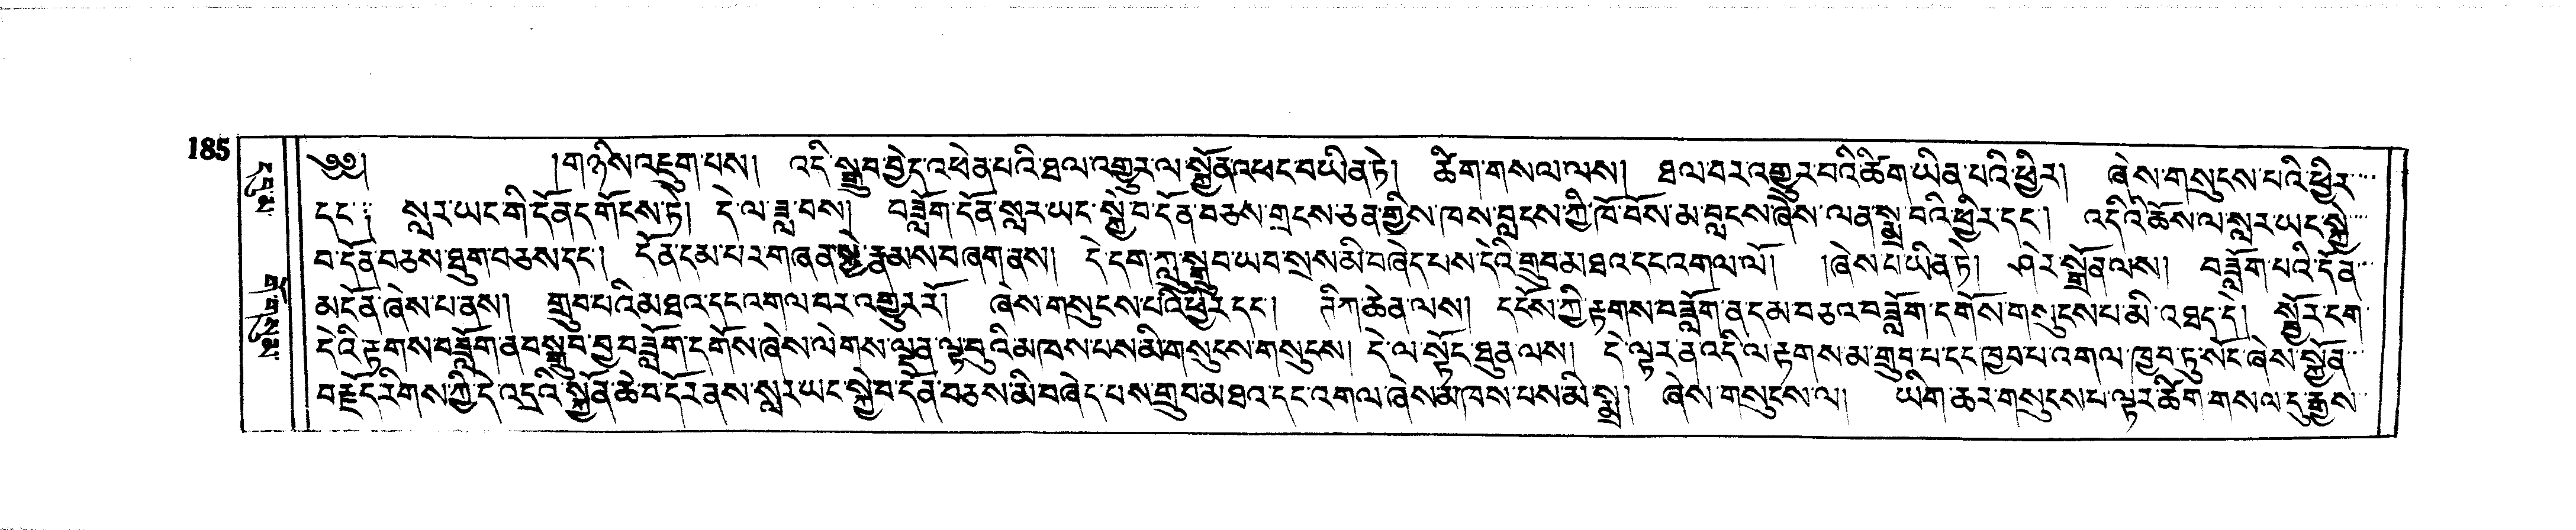༄༅། །གཉིས་འཇུག་པས། འདི་སྒྲུབ་བྱེད་འཕེན་པའི་ཐལ་འགྱུར་ལ་སྐྱོན་འཕང་བ་ཡིན་ཏེ། ཚིག་གསལ་ལས། ཐལ་བར་འགྱུར་བའི་ཚིག་ཡིན་པའི་ཕྱིར། ཞེས་གསུངས་པའི་ཕྱིར་
དང༑ སླར་ཡང་གི་དོན་དགོངས་ཏེ། དེ་ལ་ཟླ་བས། བཟློག་དོན་སླར་ཡང་སྐྱེ་བ་དོན་བཅས་གྲངས་ཅན་གྱིས་ཁས་བླངས་ཀྱི་ཁོ་བོས་མ་བླངས་ཞེས་ལན་སྨྲ་བའི་ཕྱིར་དང་། འདིའི་ཆོས་ལ་སླར་ཡང་སྐྱེ་
བ་དོན་བཅས་ཐུག་བཅས་དང་། དོན་དམ་པར་གཞན་སྐྱེ་རྣམས་བཞག་ནས། དེ་དག་ཀླུ་སྒྲུབ་ཡབ་སྲས་མི་བཞེད་པས་དེའི་གྲུབ་མཐའ་དང་འགལ་ལོ། །ཞེས་པ་ཡིན་ཏེ། ཤེར་སྒྲོན་ལས། བཟློག་པའི་དོན་
མངོན་ཞེས་པ་ནས། གྲུབ་པའི་མཐའ་དང་འགལ་བར་འགྱུར་རོ། ཞེས་གསུངས་པའི་ཕྱིར་དང་། ཊིཀ་ཆེན་ལས། དངོས་ཀྱི་རྟགས་བཟློག་ན་དམ་བཅའ་བཟློག་དགོས་གསུངས་པ་མི་འཐད་དེ། སྦྱོར་ངག་
དེའི་རྟགས་བཟློག་ན་བསྒྲུབ་བྱ་བཟློག་དགོས་ཞེས་ལེགས་ལྡན་ལྟ་བུའི་མཁས་པས་མི་གསུངས་གསུངས། དེ་ལ་སྟོང་ཐུན་ལས། དེ་ལྟར་ན་འདི་ལ་རྟགས་མ་གྲུབ་པ་དང་ཁྱབ་པ་འགལ་ཁྱབ་ཏུ་སོང་ཞེས་སྐྱོན་
བརྗོད་རིགས་ཀྱི་དེ་འདྲའི་སྐྱོན་ཆེ་བ་དོར་ནས་སླར་ཡང་སྐྱེ་བ་དོན་བཅས་མི་བཞེད་པས་གྲུབ་མཐའ་དང་འགལ་ཞེས་མཁས་པས་མི་སྨྲ། ཞེས་གསུངས་ལ། ཡིག་ཆར་གསུངས་པ་ལྟར་ཚིག་གསལ་དུ་རྒྱས་